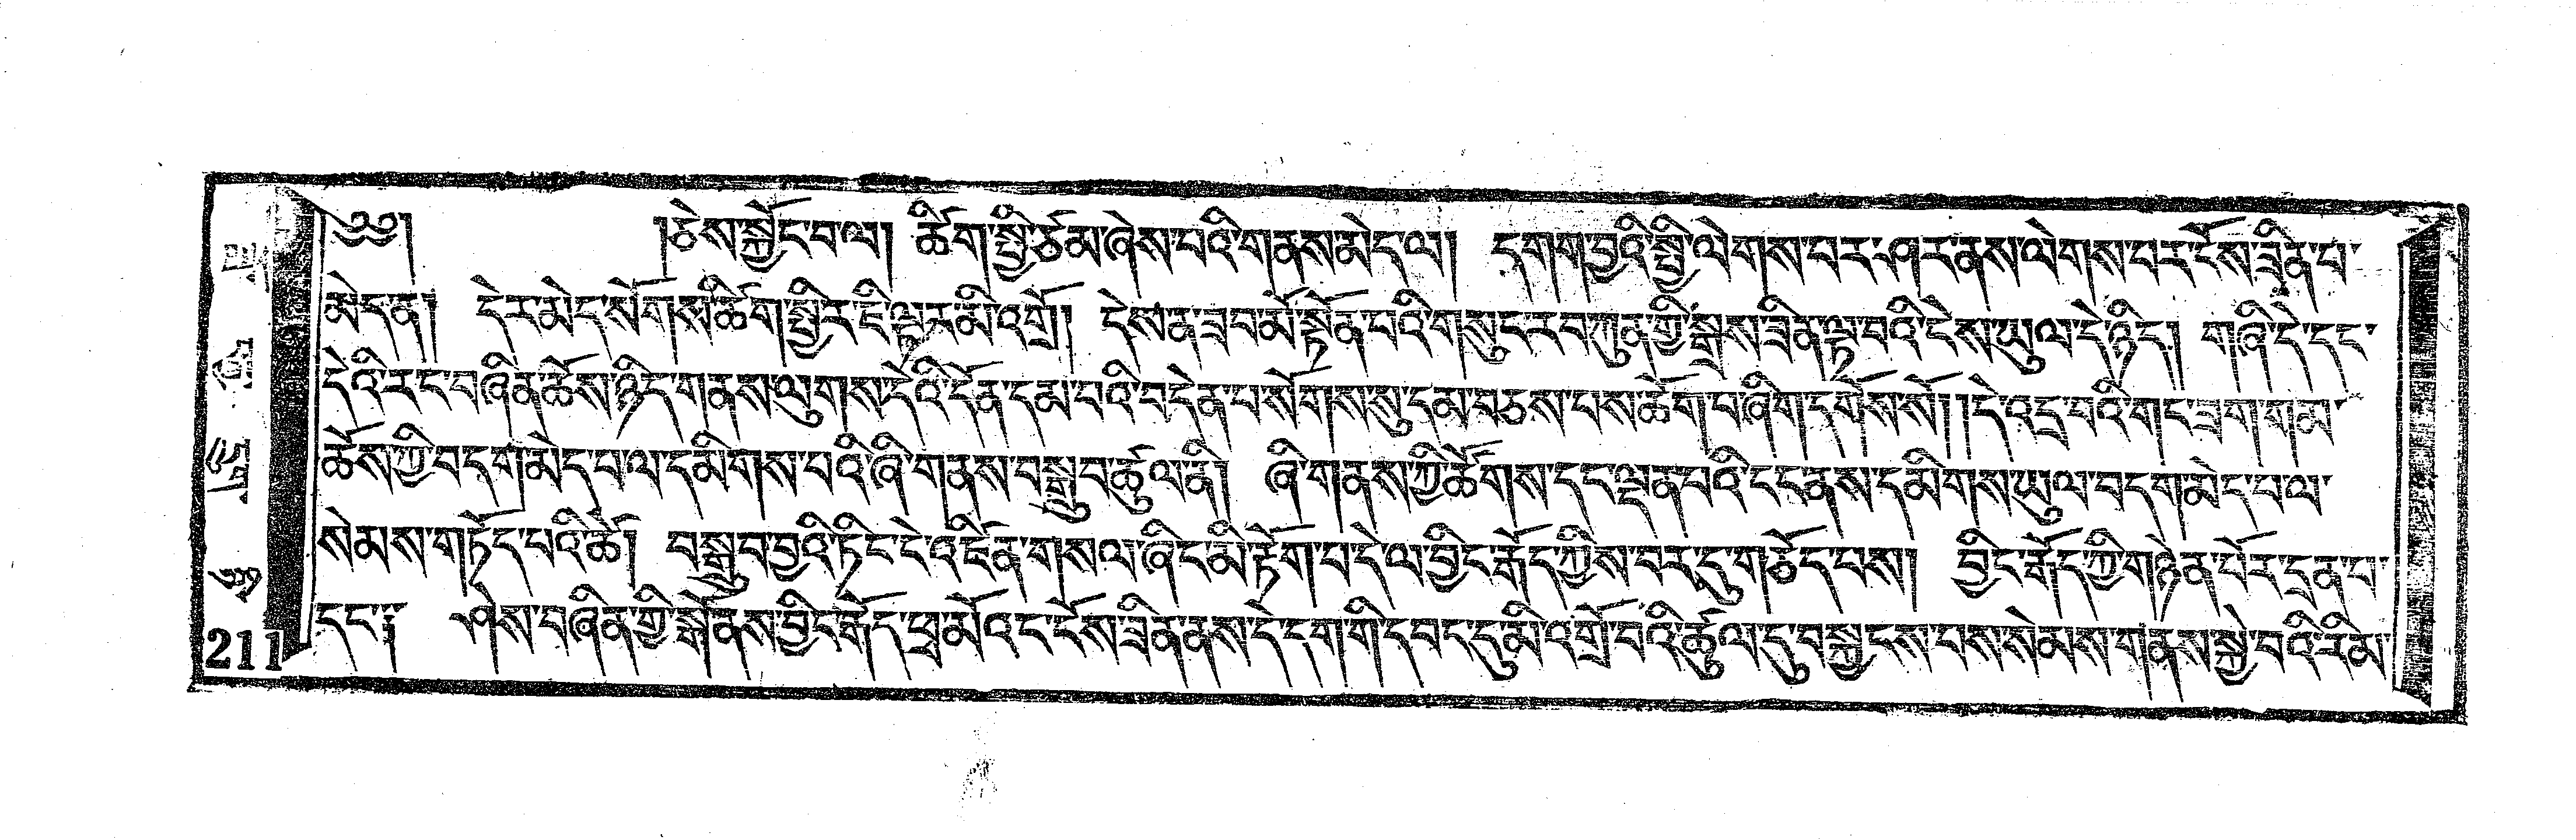༄༅། །ཅེས་སྐྱོང་བ་ལ། ཚིག་སྤྱི་ཙམ་ཞེས་པའི་གནས་མེད་ལ། དགག་བྱའི་སྤྱི་ལེགས་པར་ཤར་ནས་ལེགས་པར་ངོས་ཟིན་པ་
མེད་ན། དེར་མེད་སོགས་ཚིག་སྤྱིར་ཇི་ལྟར་མི་འགྲོ། དེས་ན་ཟབ་མོ་སྟོན་པའི་གསུང་རབ་ཀུན་གྱི་སྒྲས་ཟིན་ལྟ་བའི་ངེས་ཡུལ་དེ་ཉིད། གཞི་དེ་དང་
དེའི་རང་བཞིན་ཆོས་ཉིད་གནས་ལུགས་དེའི་དོན་དམ་པའི་བདེན་པ་སོགས་སུ་དམ་བཅས་པས་ཆོ་ག་པ་ཞིག་དགོས་སོ། །དེ་འདྲ་བའི་གང་ཟག་གམ་
ཆོས་ཀྱི་བདག་མེད་པ་ལ་དམིགས་པའི་ཞི་གནས་བསྒྲུབ་ཚུལ་ནི། ཞི་གནས་ཀྱི་ཚོགས་དང་ལྡན་པའི་ངང་ནས་དམིགས་ཡུལ་བདག་མེད་པ་ལ་
སེམས་གཏོད་པའི་ཚེ། བསྒྲུབ་བྱའི་ཏིང་ངེ་འཛིན་གསལ་ཞིང་མི་རྟོག་པ་དེ་ལ་བྱིང་རྒོད་ཀྱིས་བར་དུ་གཅོད་པས། བྱིང་རྒོད་ཀྱི་གཉེན་པོར་དྲན་པ་
དང༑ ཤེས་བཞིན་གྱི་སྒོ་ནས་བྱིང་རྒོད་ཕྲ་མོ་འང་ངོས་ཟིན་ནས་དེ་དག་གི་དབང་དུ་མི་འགྲོ་བའི་ཚུལ་དུ་བསྐྱངས་པས་སེམས་གནས་སྐྱེ་བའི་རིམ་